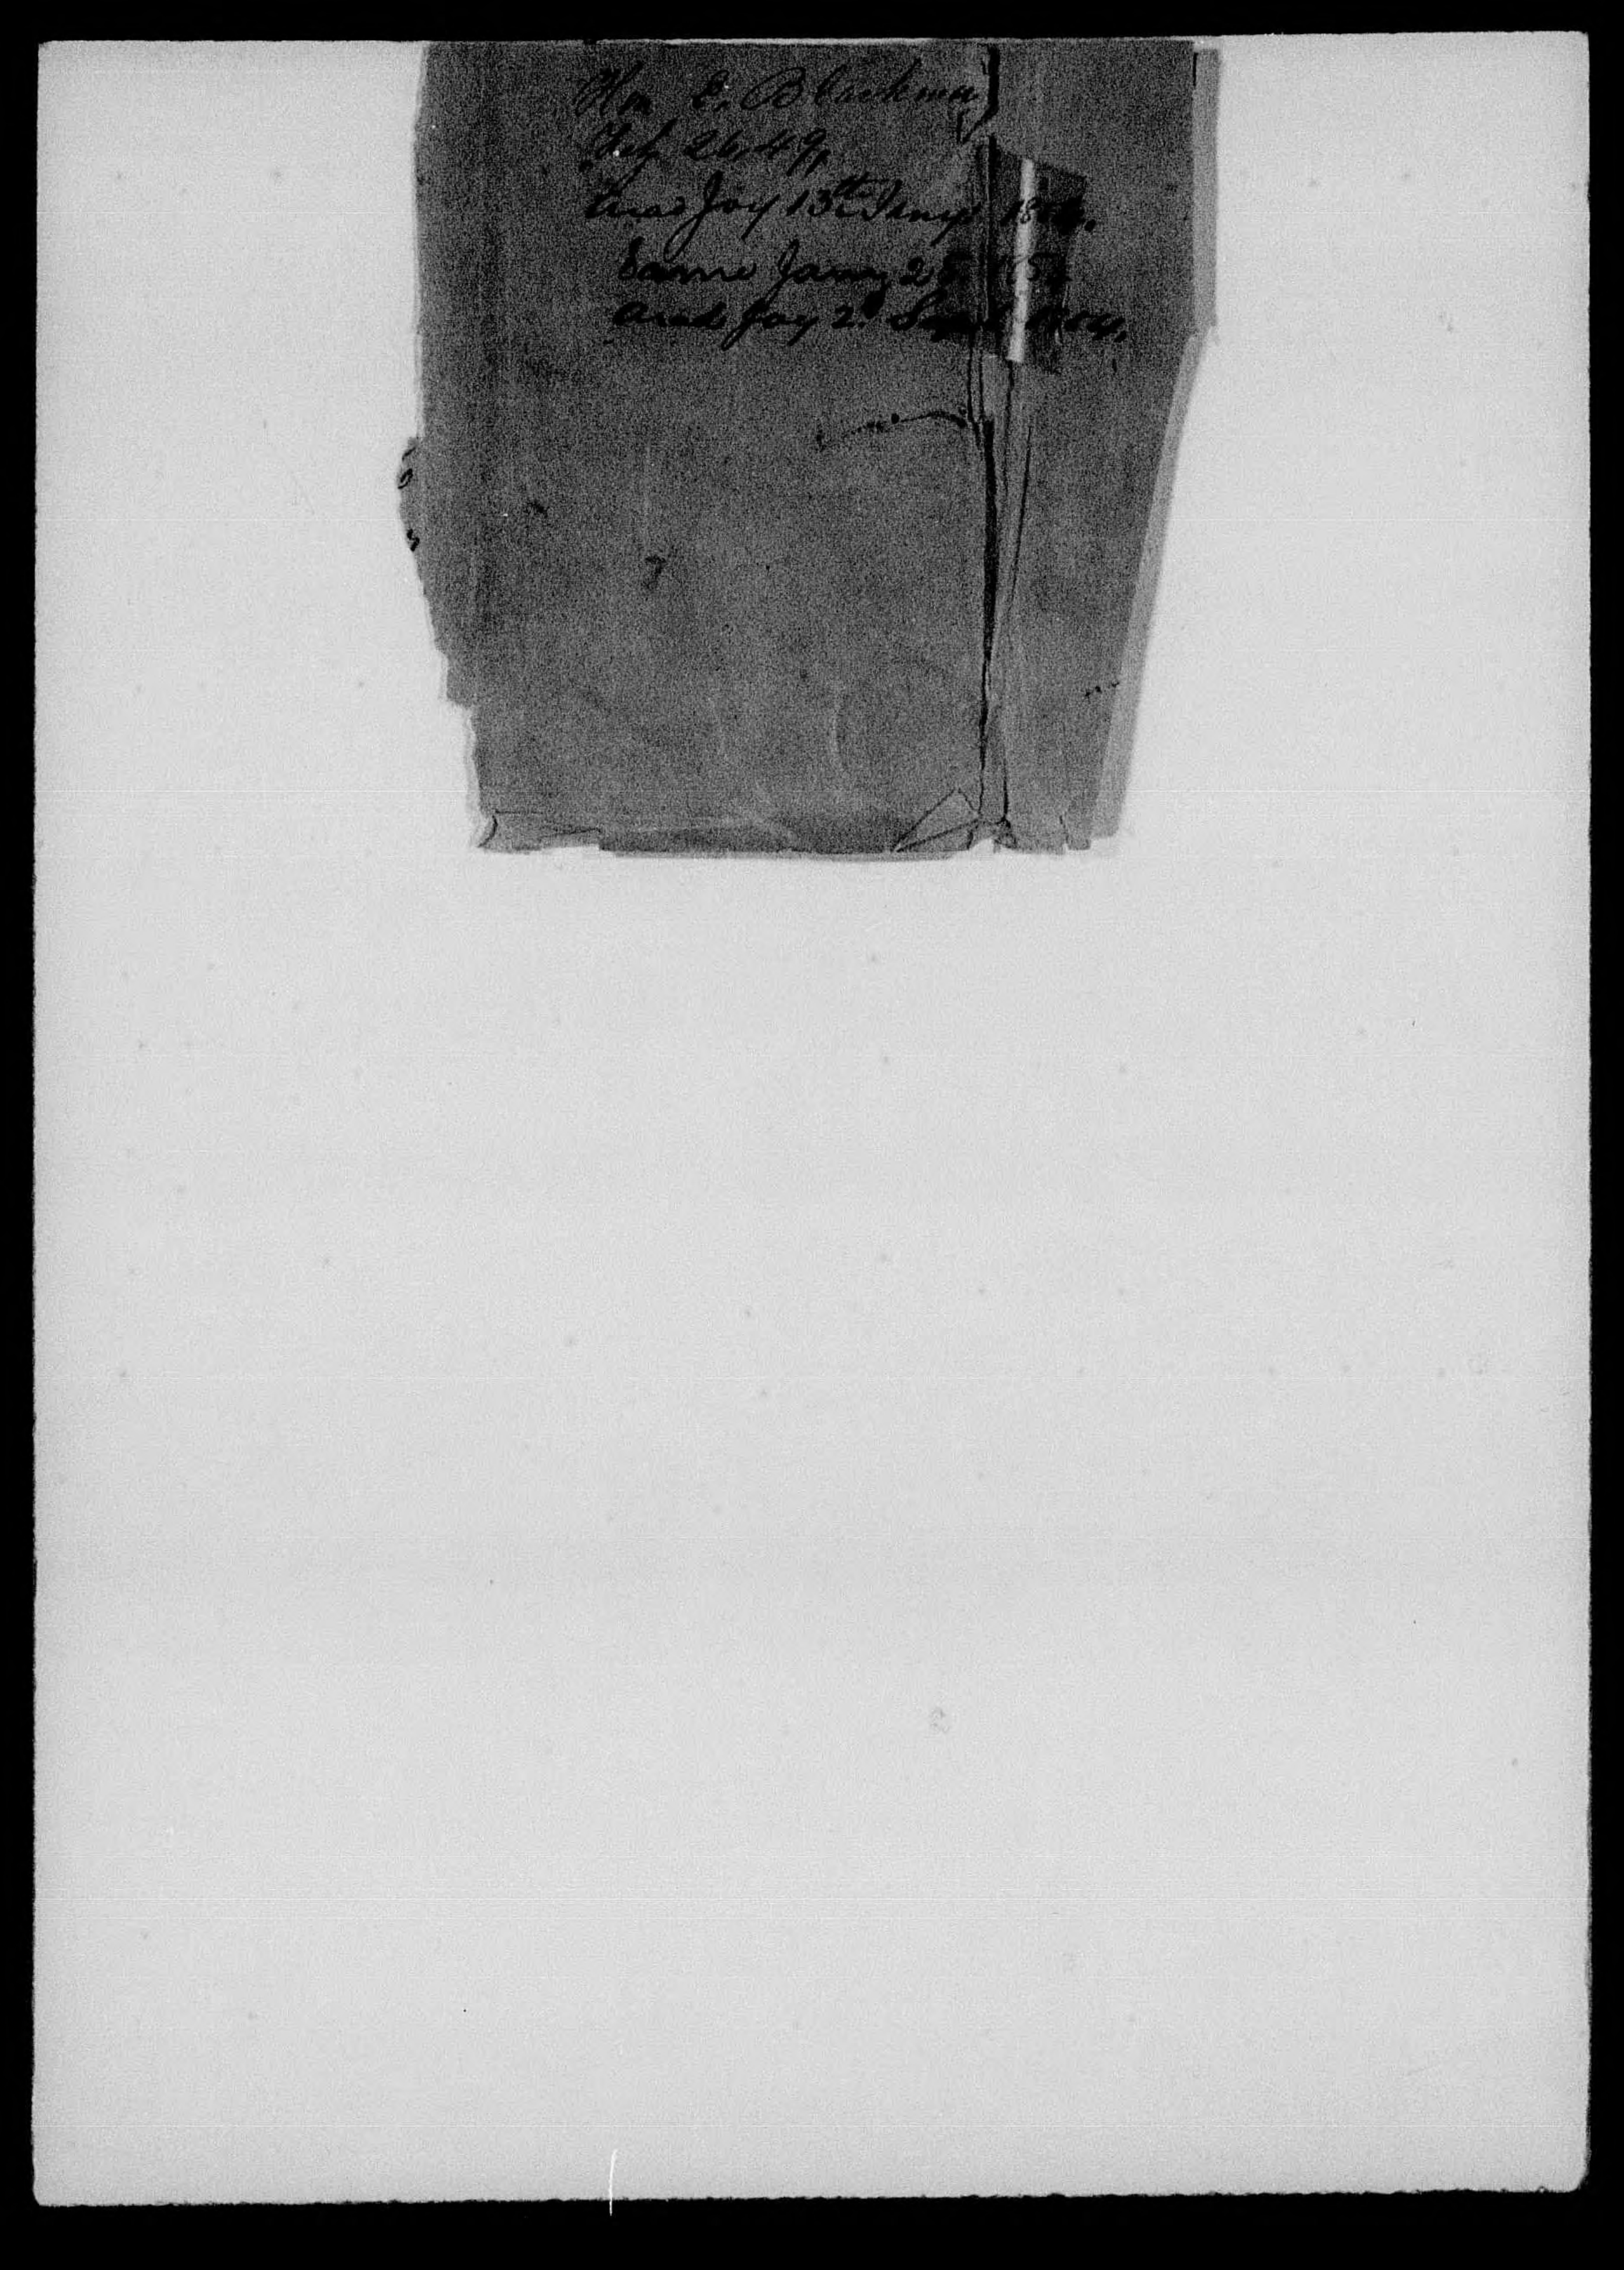Hon. E. Blackmore
Feby 26, 49, 
Arad Joy 13th Jany 18[illegible]
Same Jany 2[illegible] 185[illegible]
Arad Joy 2d Sept 1854.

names: E Blackmore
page: 8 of 80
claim: survivor's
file: S. 18008, Thomas Harvey, N.H.